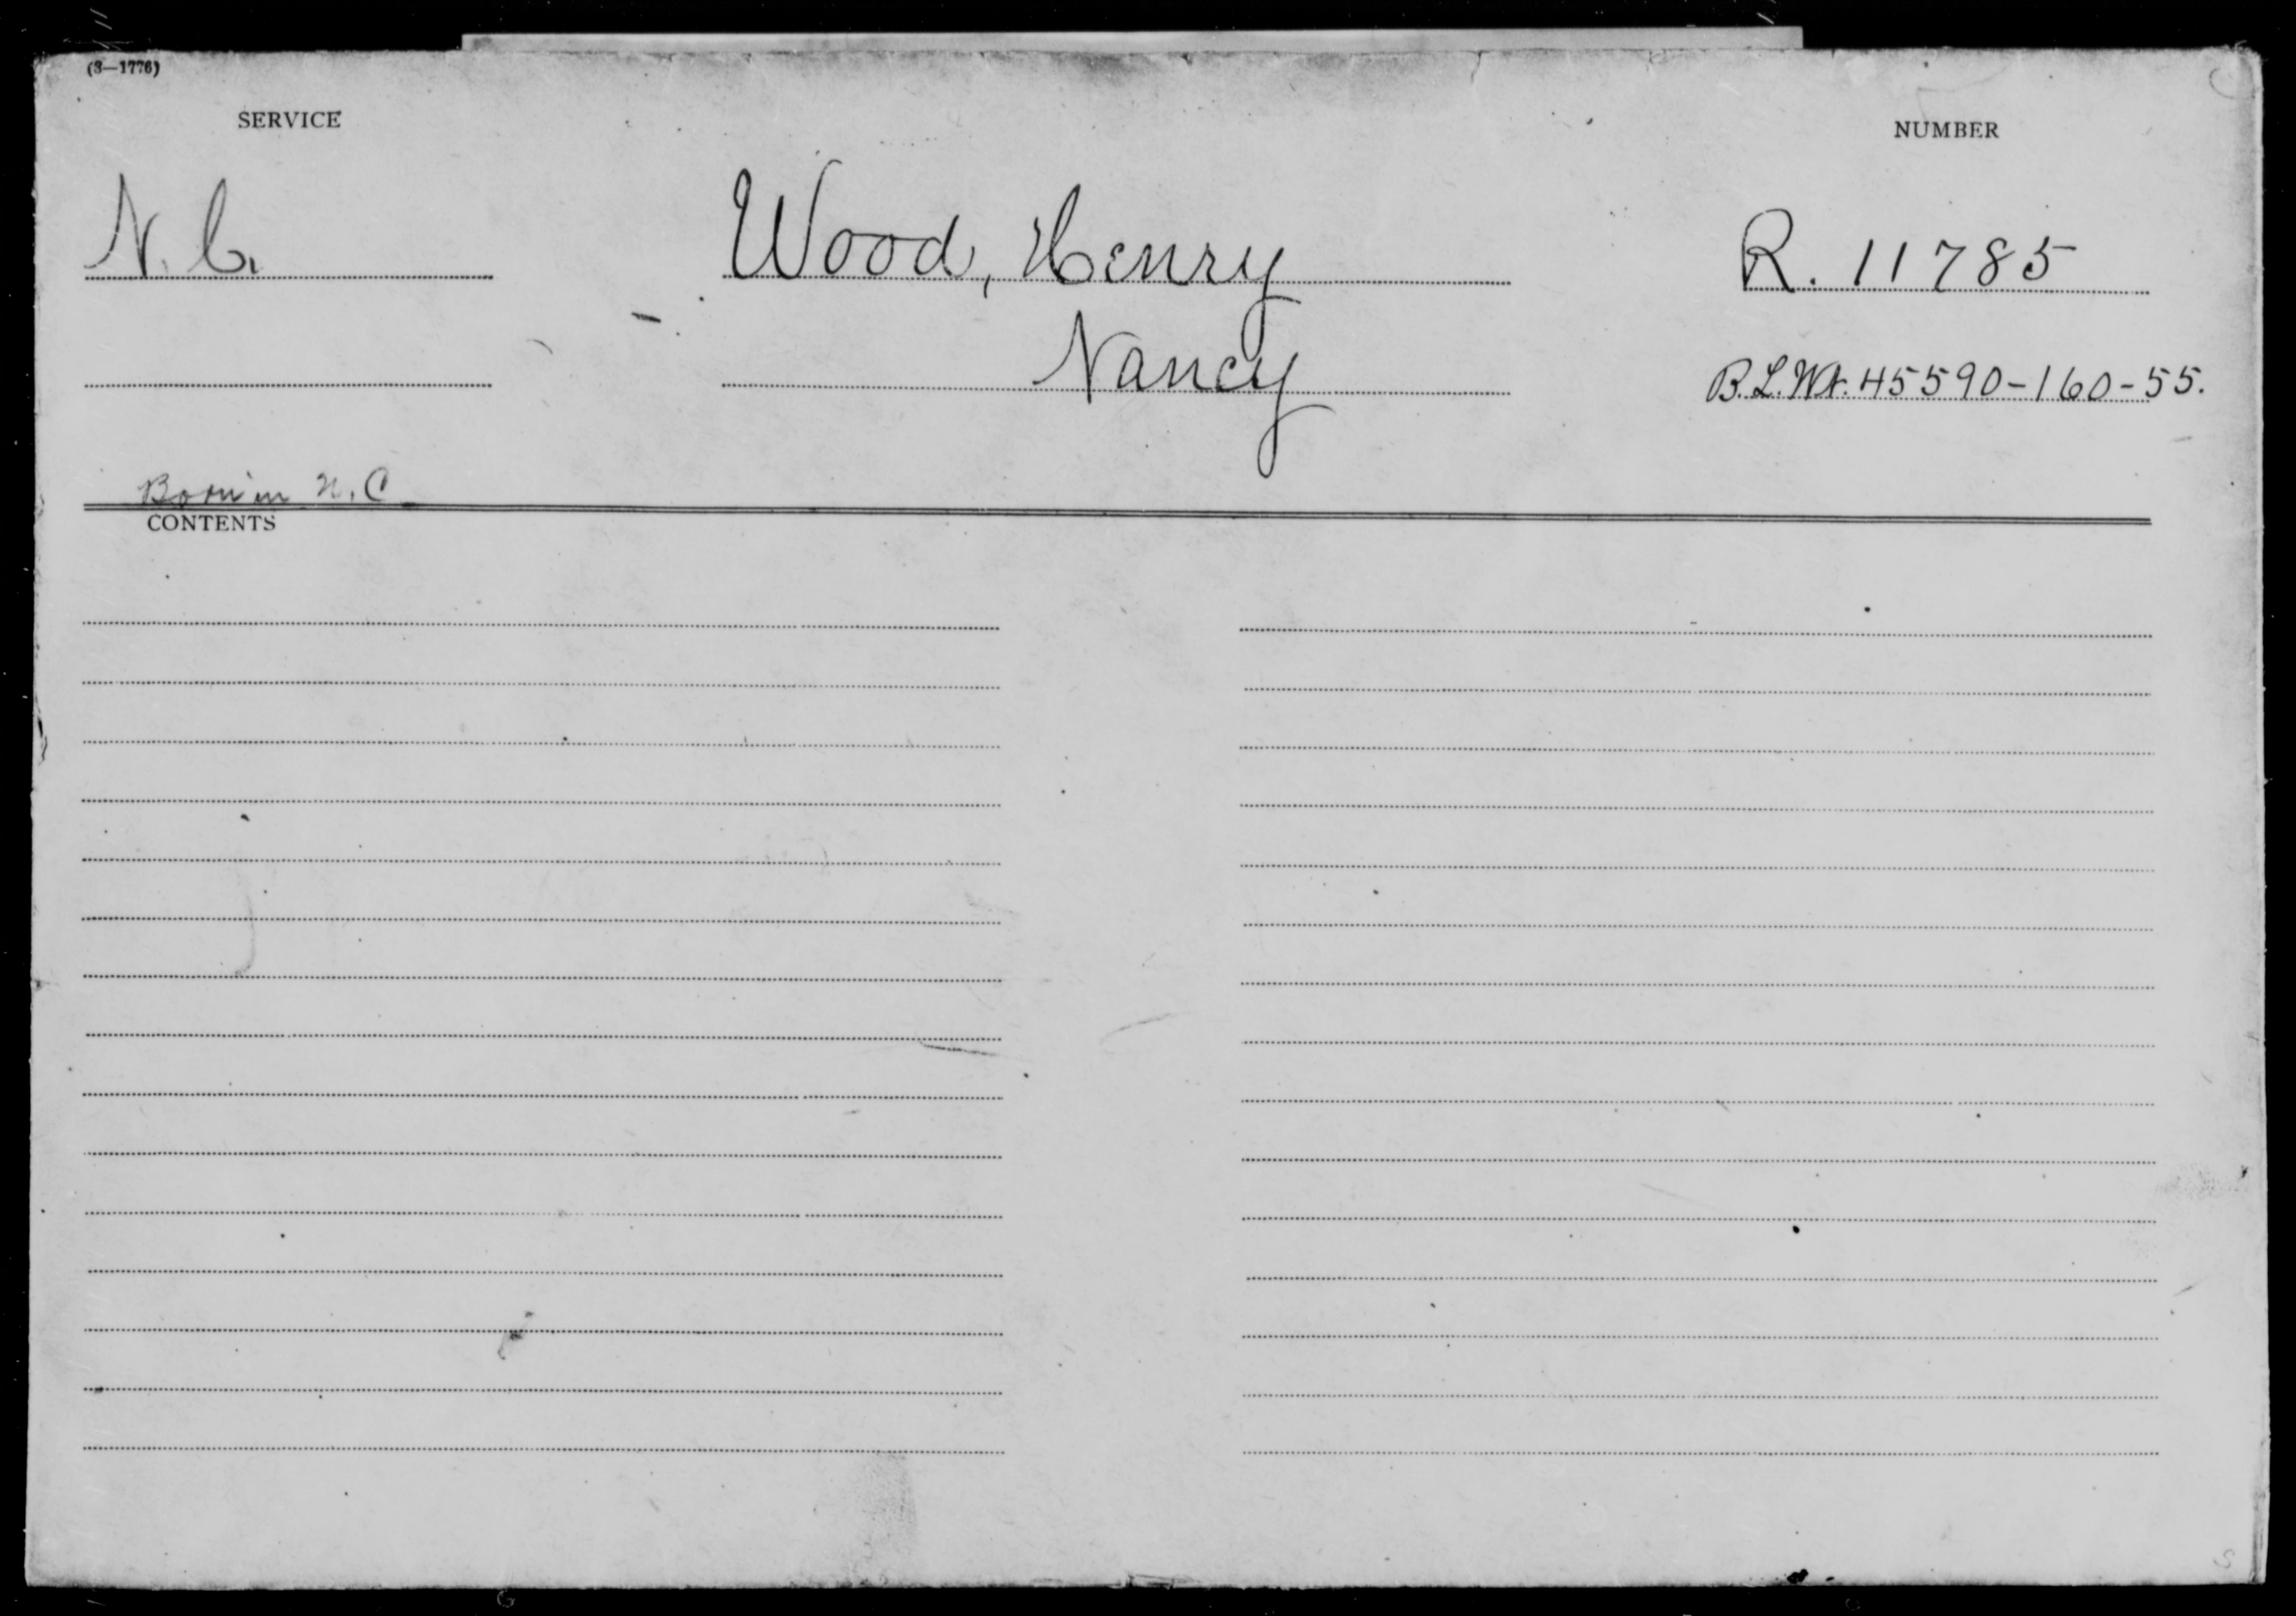Service     Number
NC  Wood, Henry  R.11785
Nancy    B.L.WA. 45590-160-55.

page: 1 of 40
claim: rejected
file: R. 11785, Henry Wood, N. C.